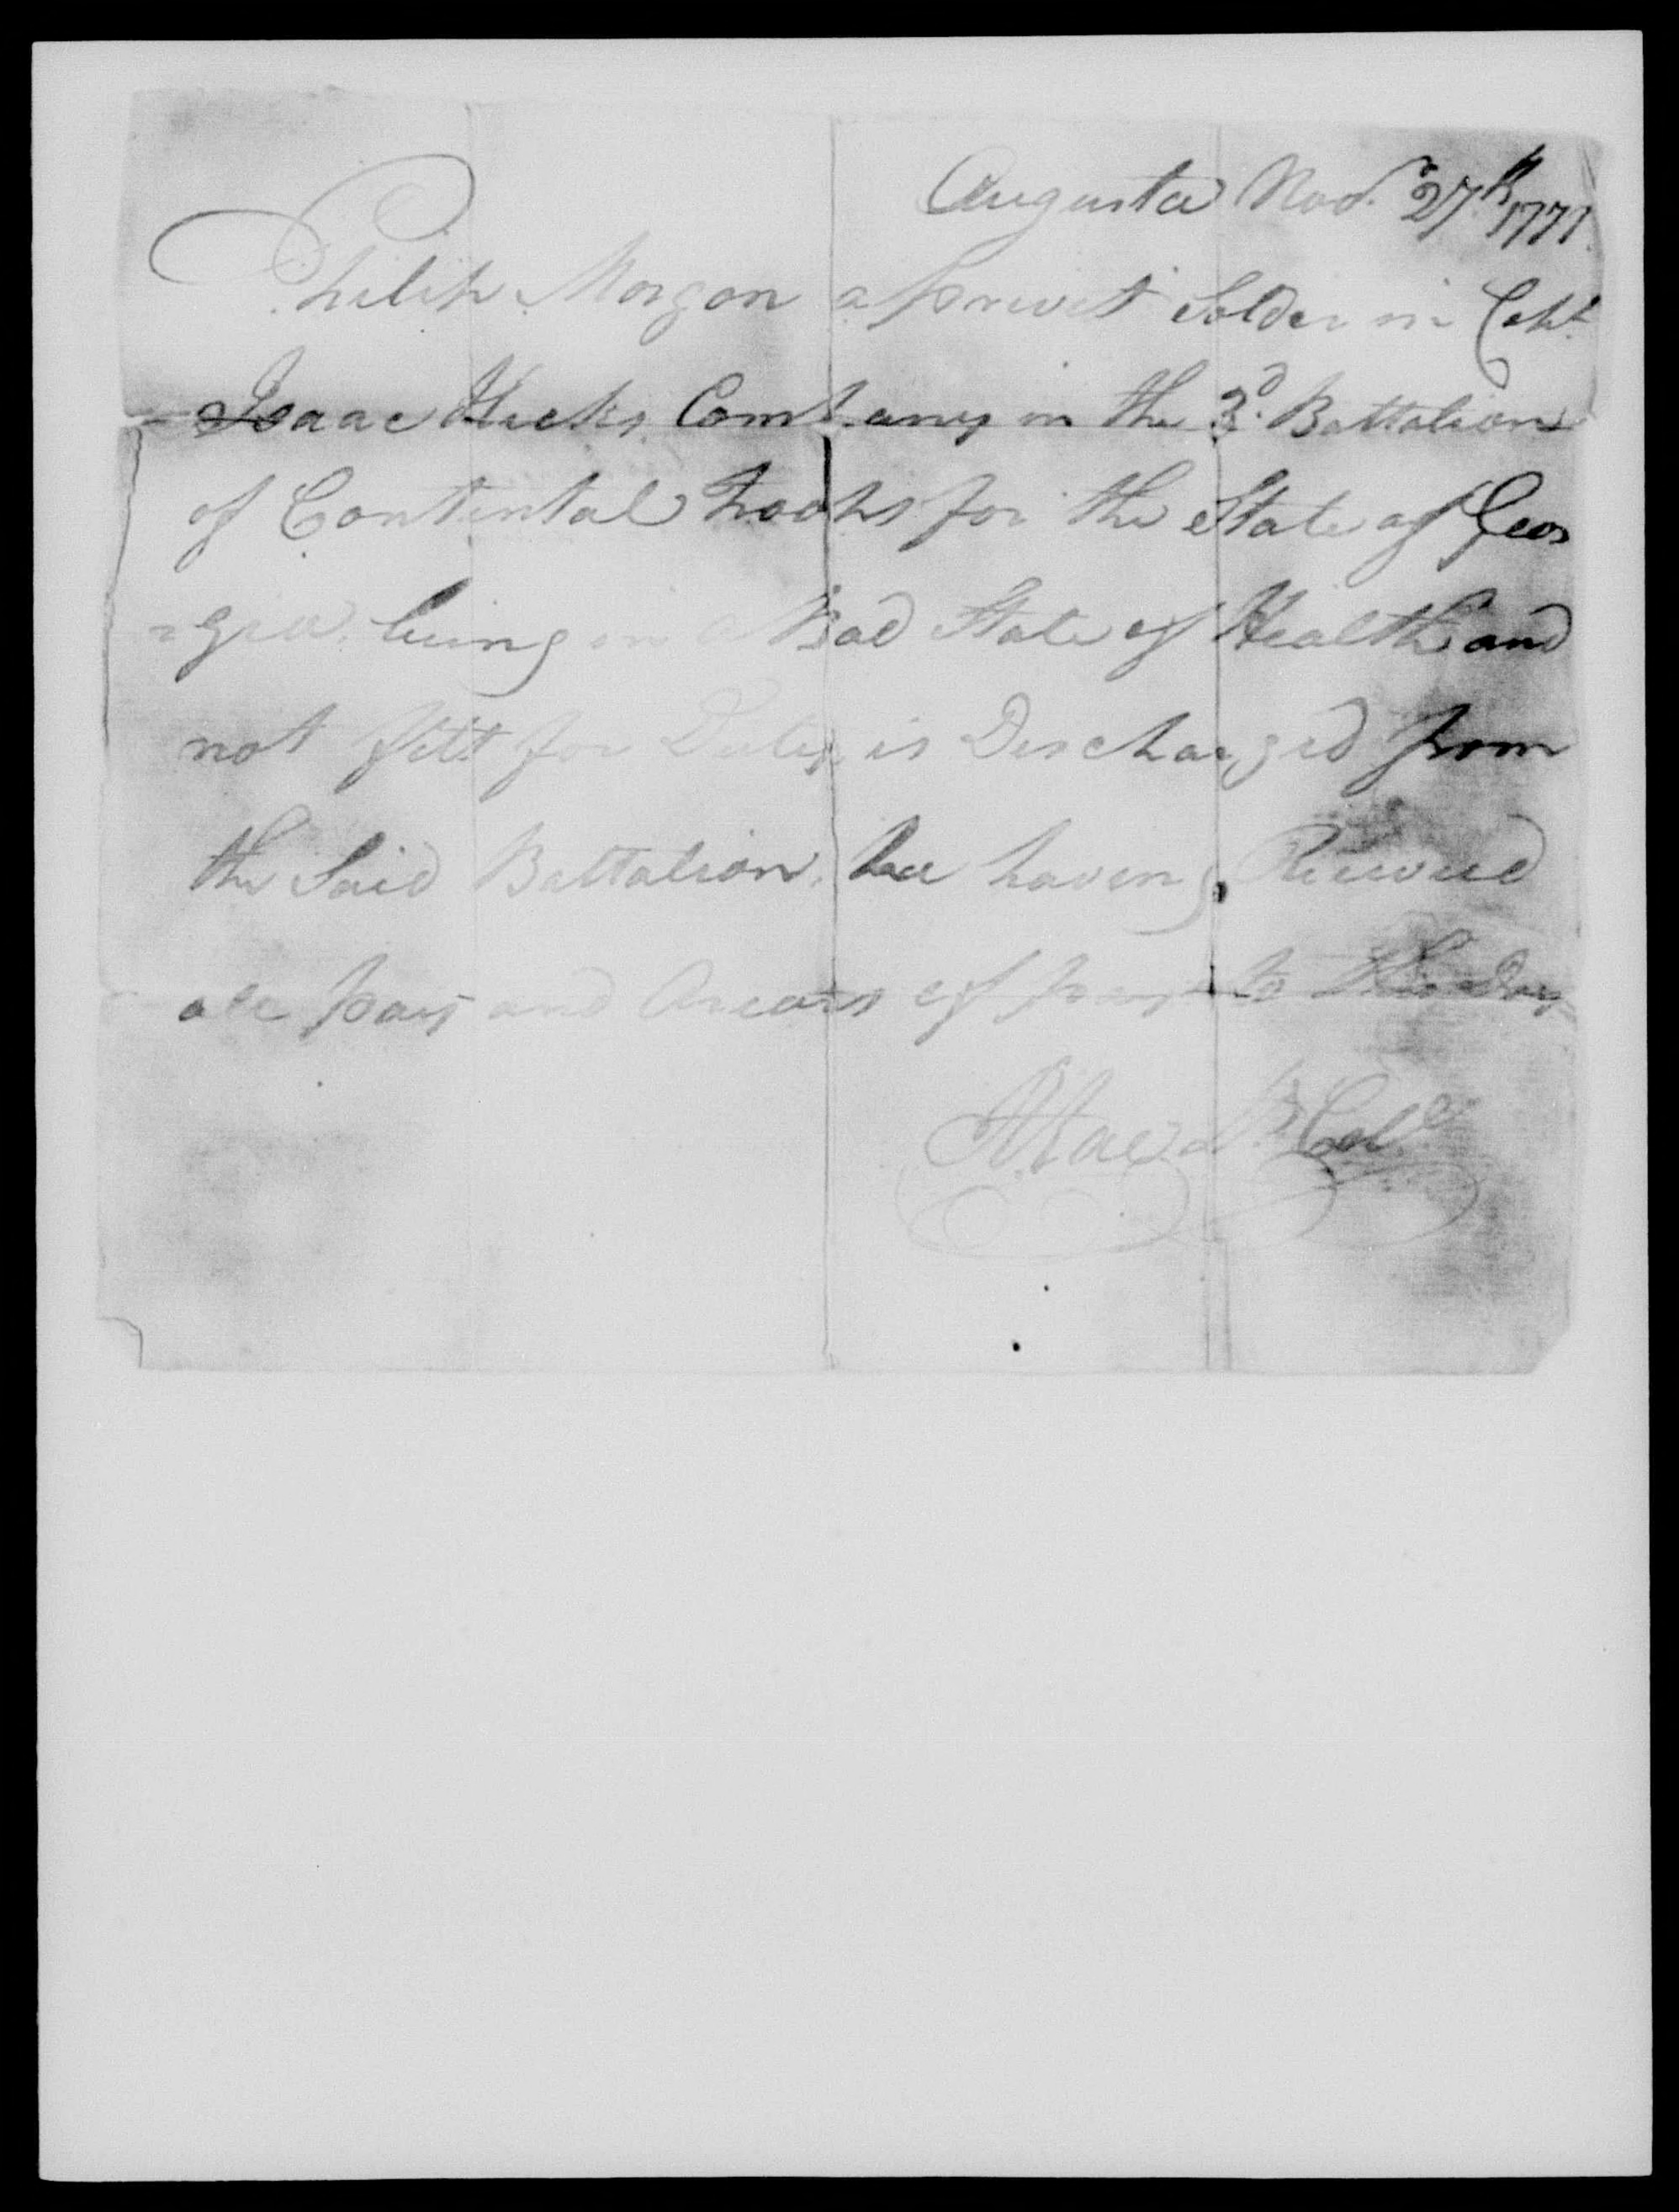Augusta Nov. 27th 1777
Philip Morgan a privit Solder in Capt.
Isaac Hicks Company in the 3d Battalion
of Contental Troops for the State of Georgia
being in a Bad State of Health and
not fitt for Duty is Discharged from
the Said Battalion he having Receved
all pay and Arears of pay to this Day
[illegible] Col.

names: Philip Morgan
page: 11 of 16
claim: rejected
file: R 7386, for Philip Morgan, Georgia